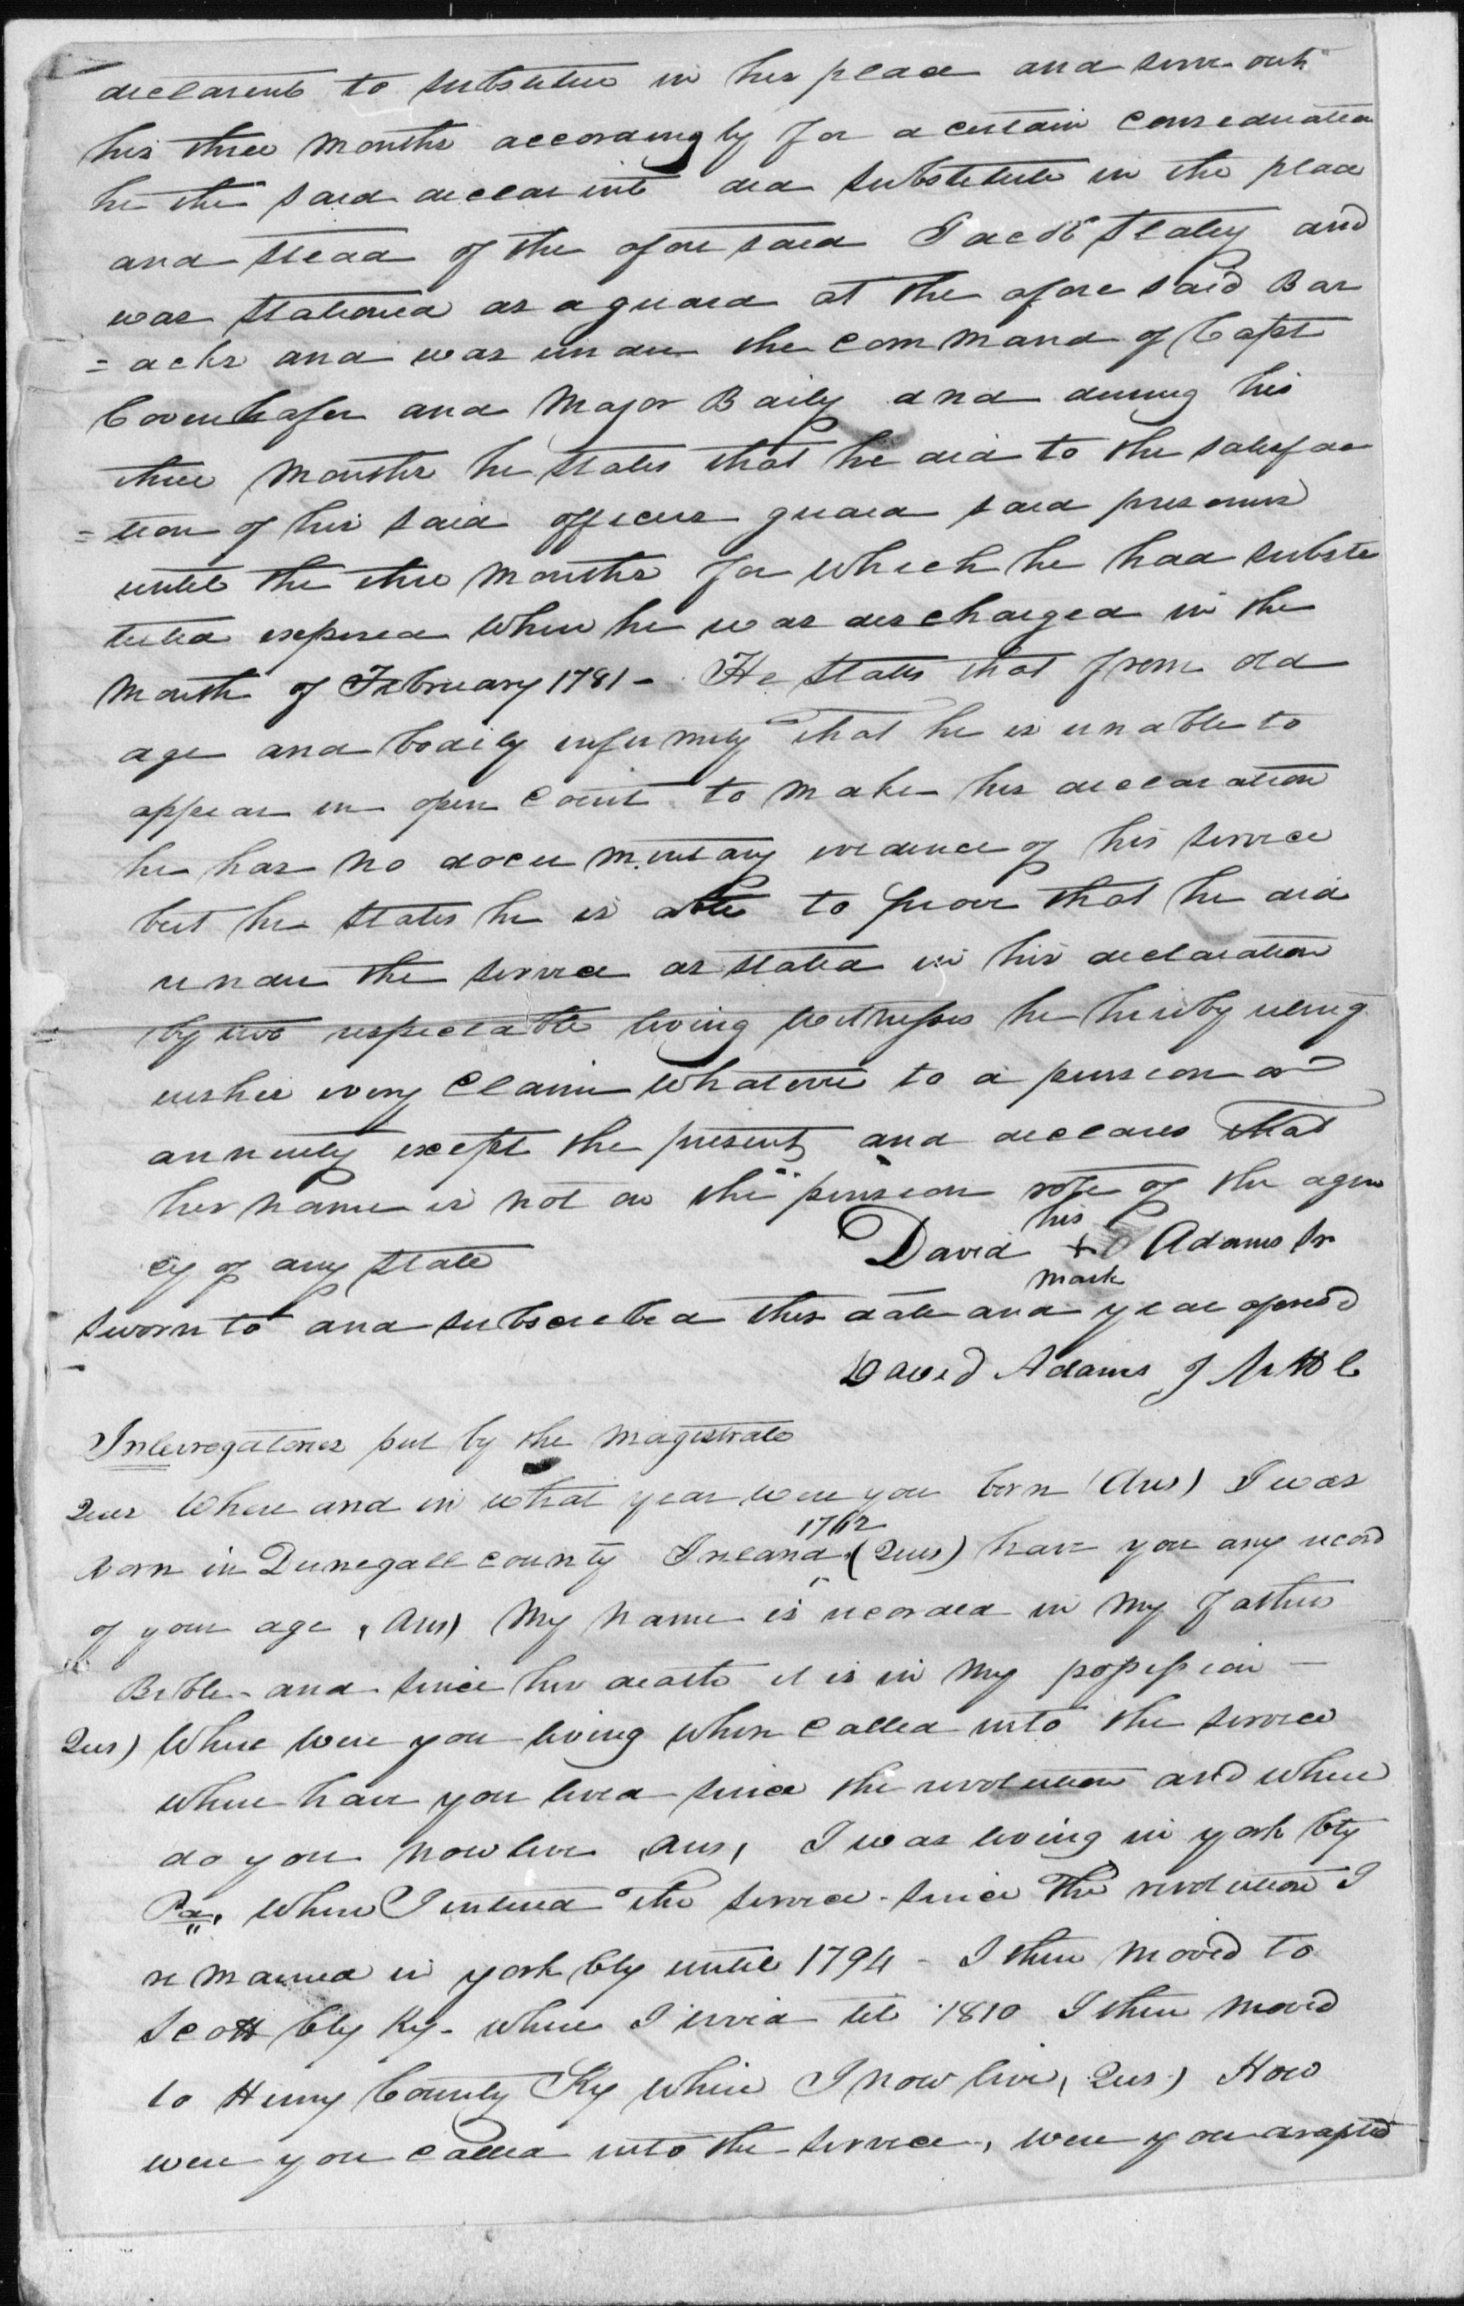[All Handwritten]

declarent [sic] to substitute in his place and serve out his three months accordingly for a certain consideration he the said declarent  [sic] did substitute in the place and stead of the aforesaid Jacob Staley and was stationed as a guard at the aforesaid Barracks and was under the command of Capt Covenhafer and Major Baily and during his three months he states that he did to the satisfaction of his said officers guard said prisoners until the three months for which he had substituted expired when he was discharged in the
month of February 1781. 

He states that from old age and bodily infirmity that he is unable to appear in open court to make his declaration he has no documentary evidence of his service
but he states he is able to prove that he did
render the service as stated in his declaration by two respectable living witnesses he hereby relinquishes every claim whatever to a pension or annuity except the present and declares that
his name is not on the pension roll of the agency of any state

David Adams Sr
x his mark

Sworn to and subscribed this date and year aforesaid

David Adams of [illegible] 

Interrogatories put by the magistrate
Ques  Where and in what year were you born  
Ans I was born in Dunegall County Ireland. 1762

(Ques) have you any record
your age, 
Ans My name is recorded in my fathers
Bible, and since his death it is in my possession-

(Ques) Where were you living when called into the service where have you lived since the revolution and where do you now live 
(ans) I was living in York Cty Pa, when I entered the service - since the revolution I remained in York Cty until 1794- I then moved to Scott Cty Ky where I lived til 1810.  I then moved to Henry County Ky where I now live, 

Ques) How were you called into the service, were you drafted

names: Baily, David Adams, Jacob Staley, Covenhafer, David Adams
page: 4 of 13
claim: survivor's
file: S 30,815, David Adams, Penn.